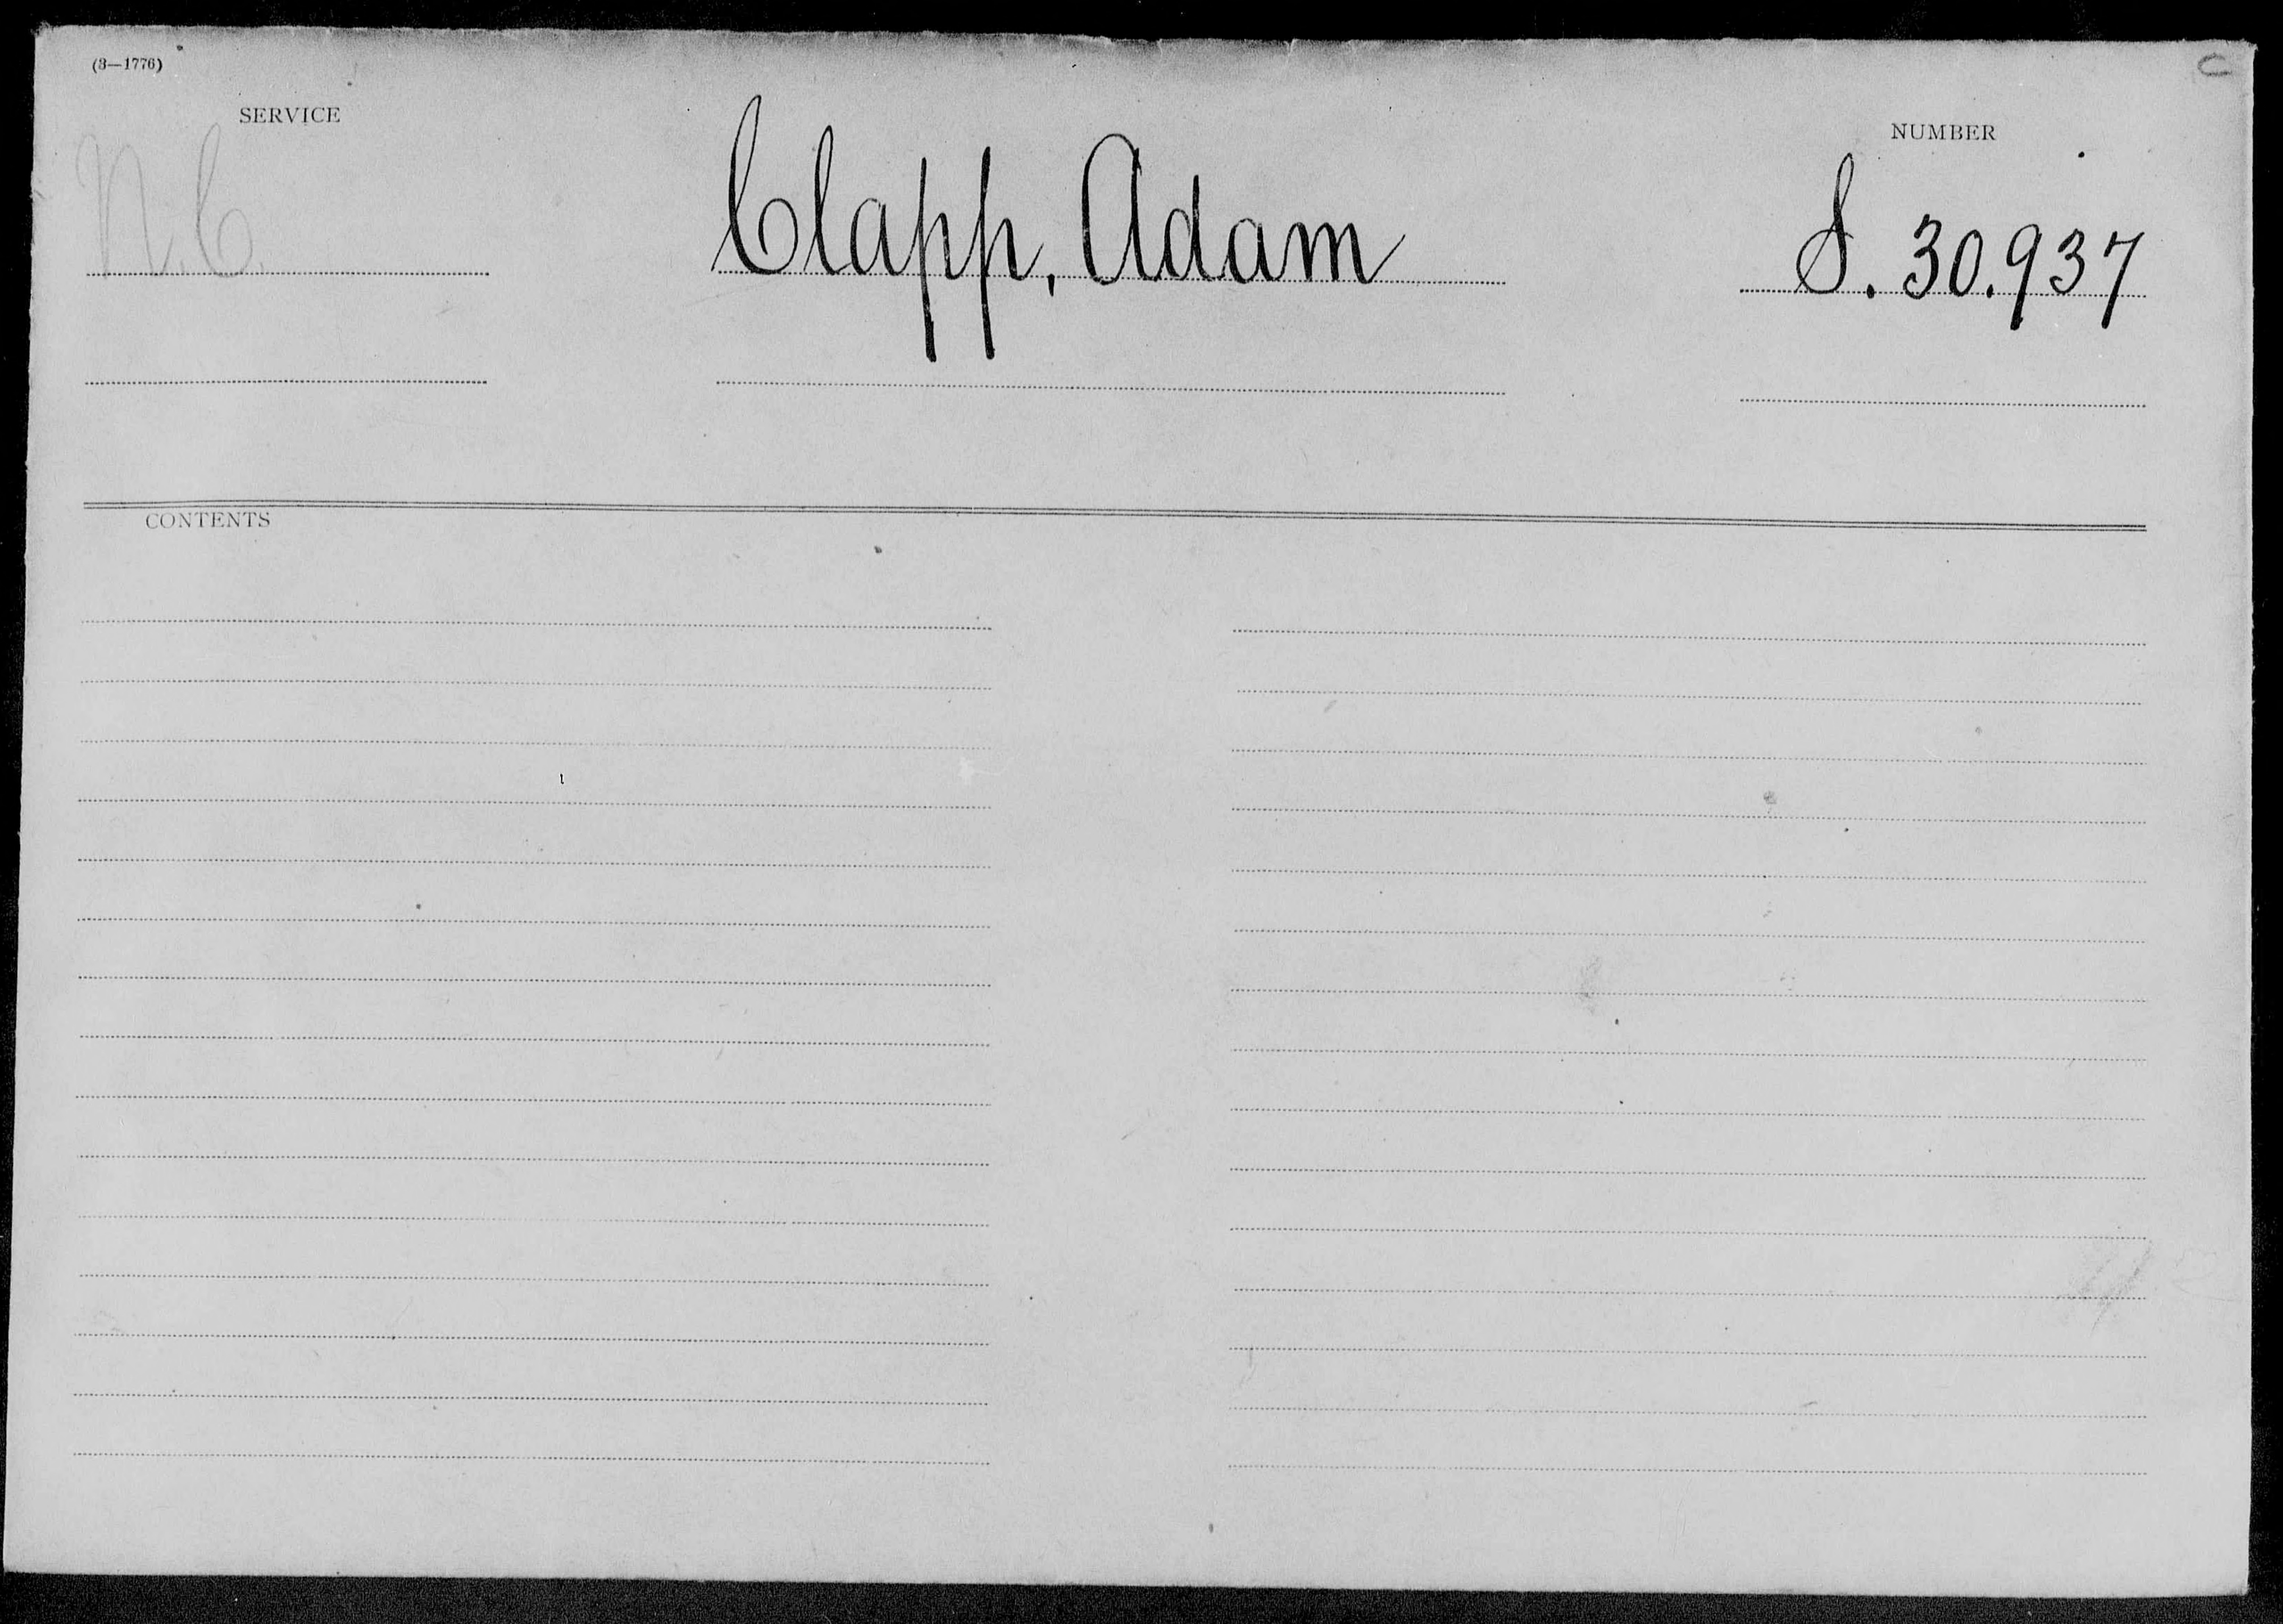(3 - 1776)
SERVICE
N.C.
Clapp, Adam
NUMBER
S.30.937
CONTENTS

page: 1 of 23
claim: survivor's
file: S. 30,937, Adam Clapp, N.C.